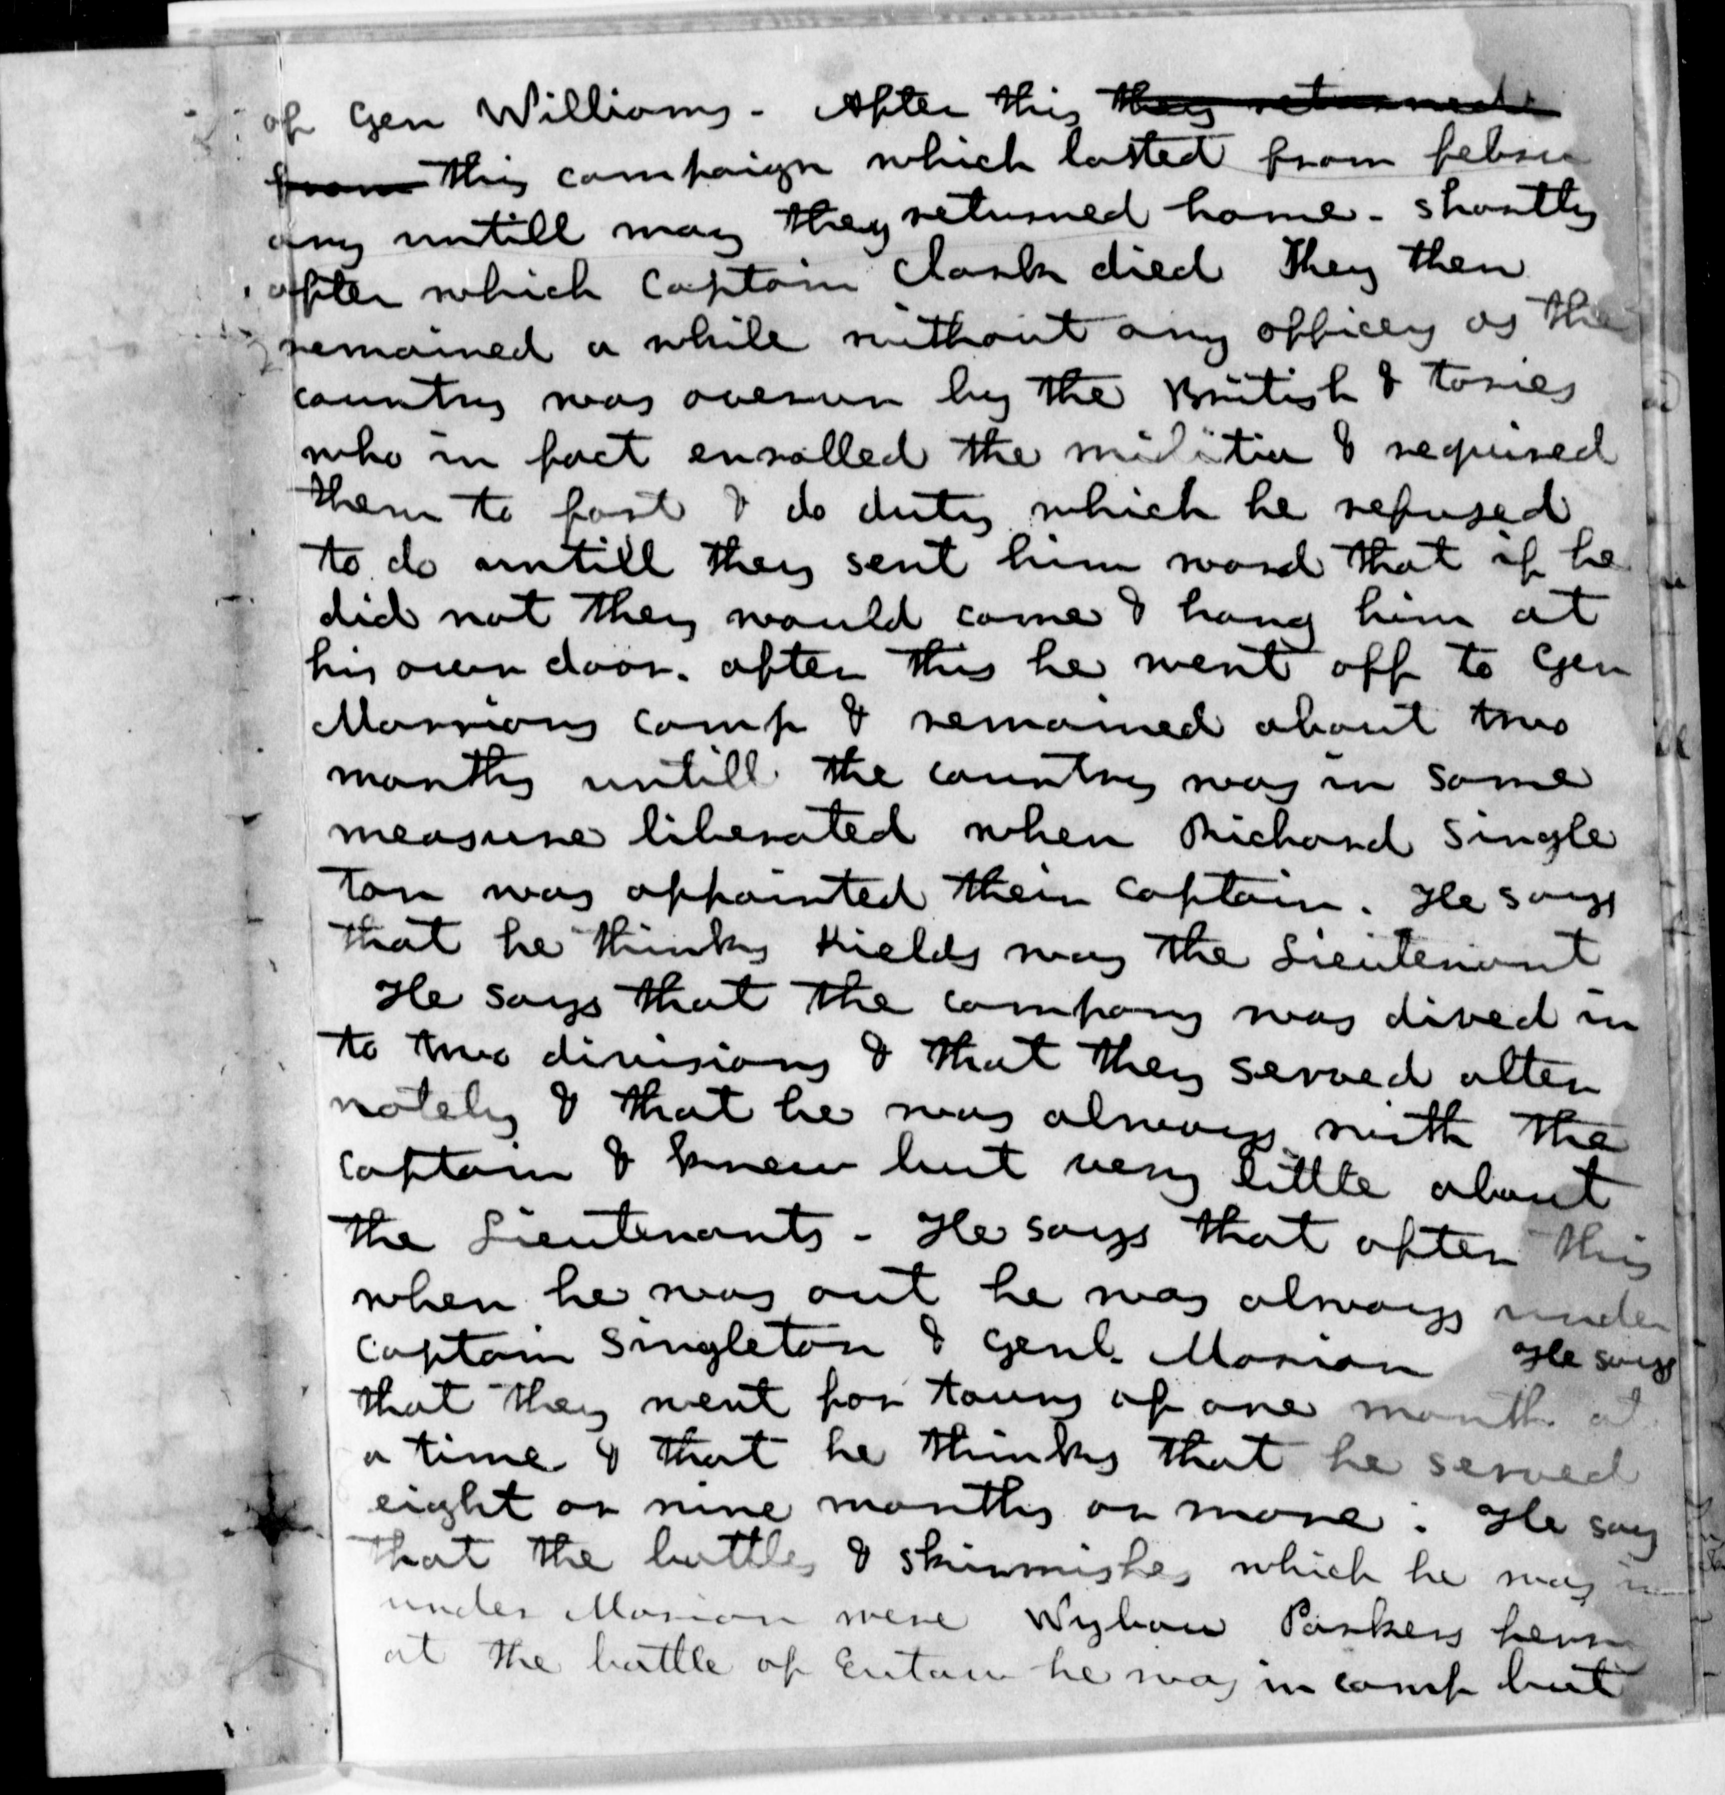of Gen Williams [Williamson]. After this this campaign which lasted from february untill may they returned home. shortly after which Captain Clark died They then remained a while without any officers as the country was overrun by the British & Tories who in fact enrolled the militia & required them to fort & do duty which he refused to do untill they sent him word that if he did not they would come & hang him at his own door. after this he went off to Gen Marrions Camp & remained about two months untill the country was in some measure liberated when Richard Singleton was appointed their Captain. He says that he thinks Kields was the Lieutenant He says that the company was dived in to two divisions & that they served alternately & that he was always with the Captain & knew but very little about the Lieutenants. He says that after this when he was out he was always this Captain Singleton & Genl. Marian He says that they went for tours of one month at a time & that he thinks that he served eight or nine months or more. He say that the battles & shirmishes which he was in under Marion were Wybow Parkers ferry at the battle of Eutaw he was in camp but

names: Williams, Marian, Wyhaw Parkers, Singleton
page: 24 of 38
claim: survivor's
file: S. 30. 239, William Abbott, S.C.